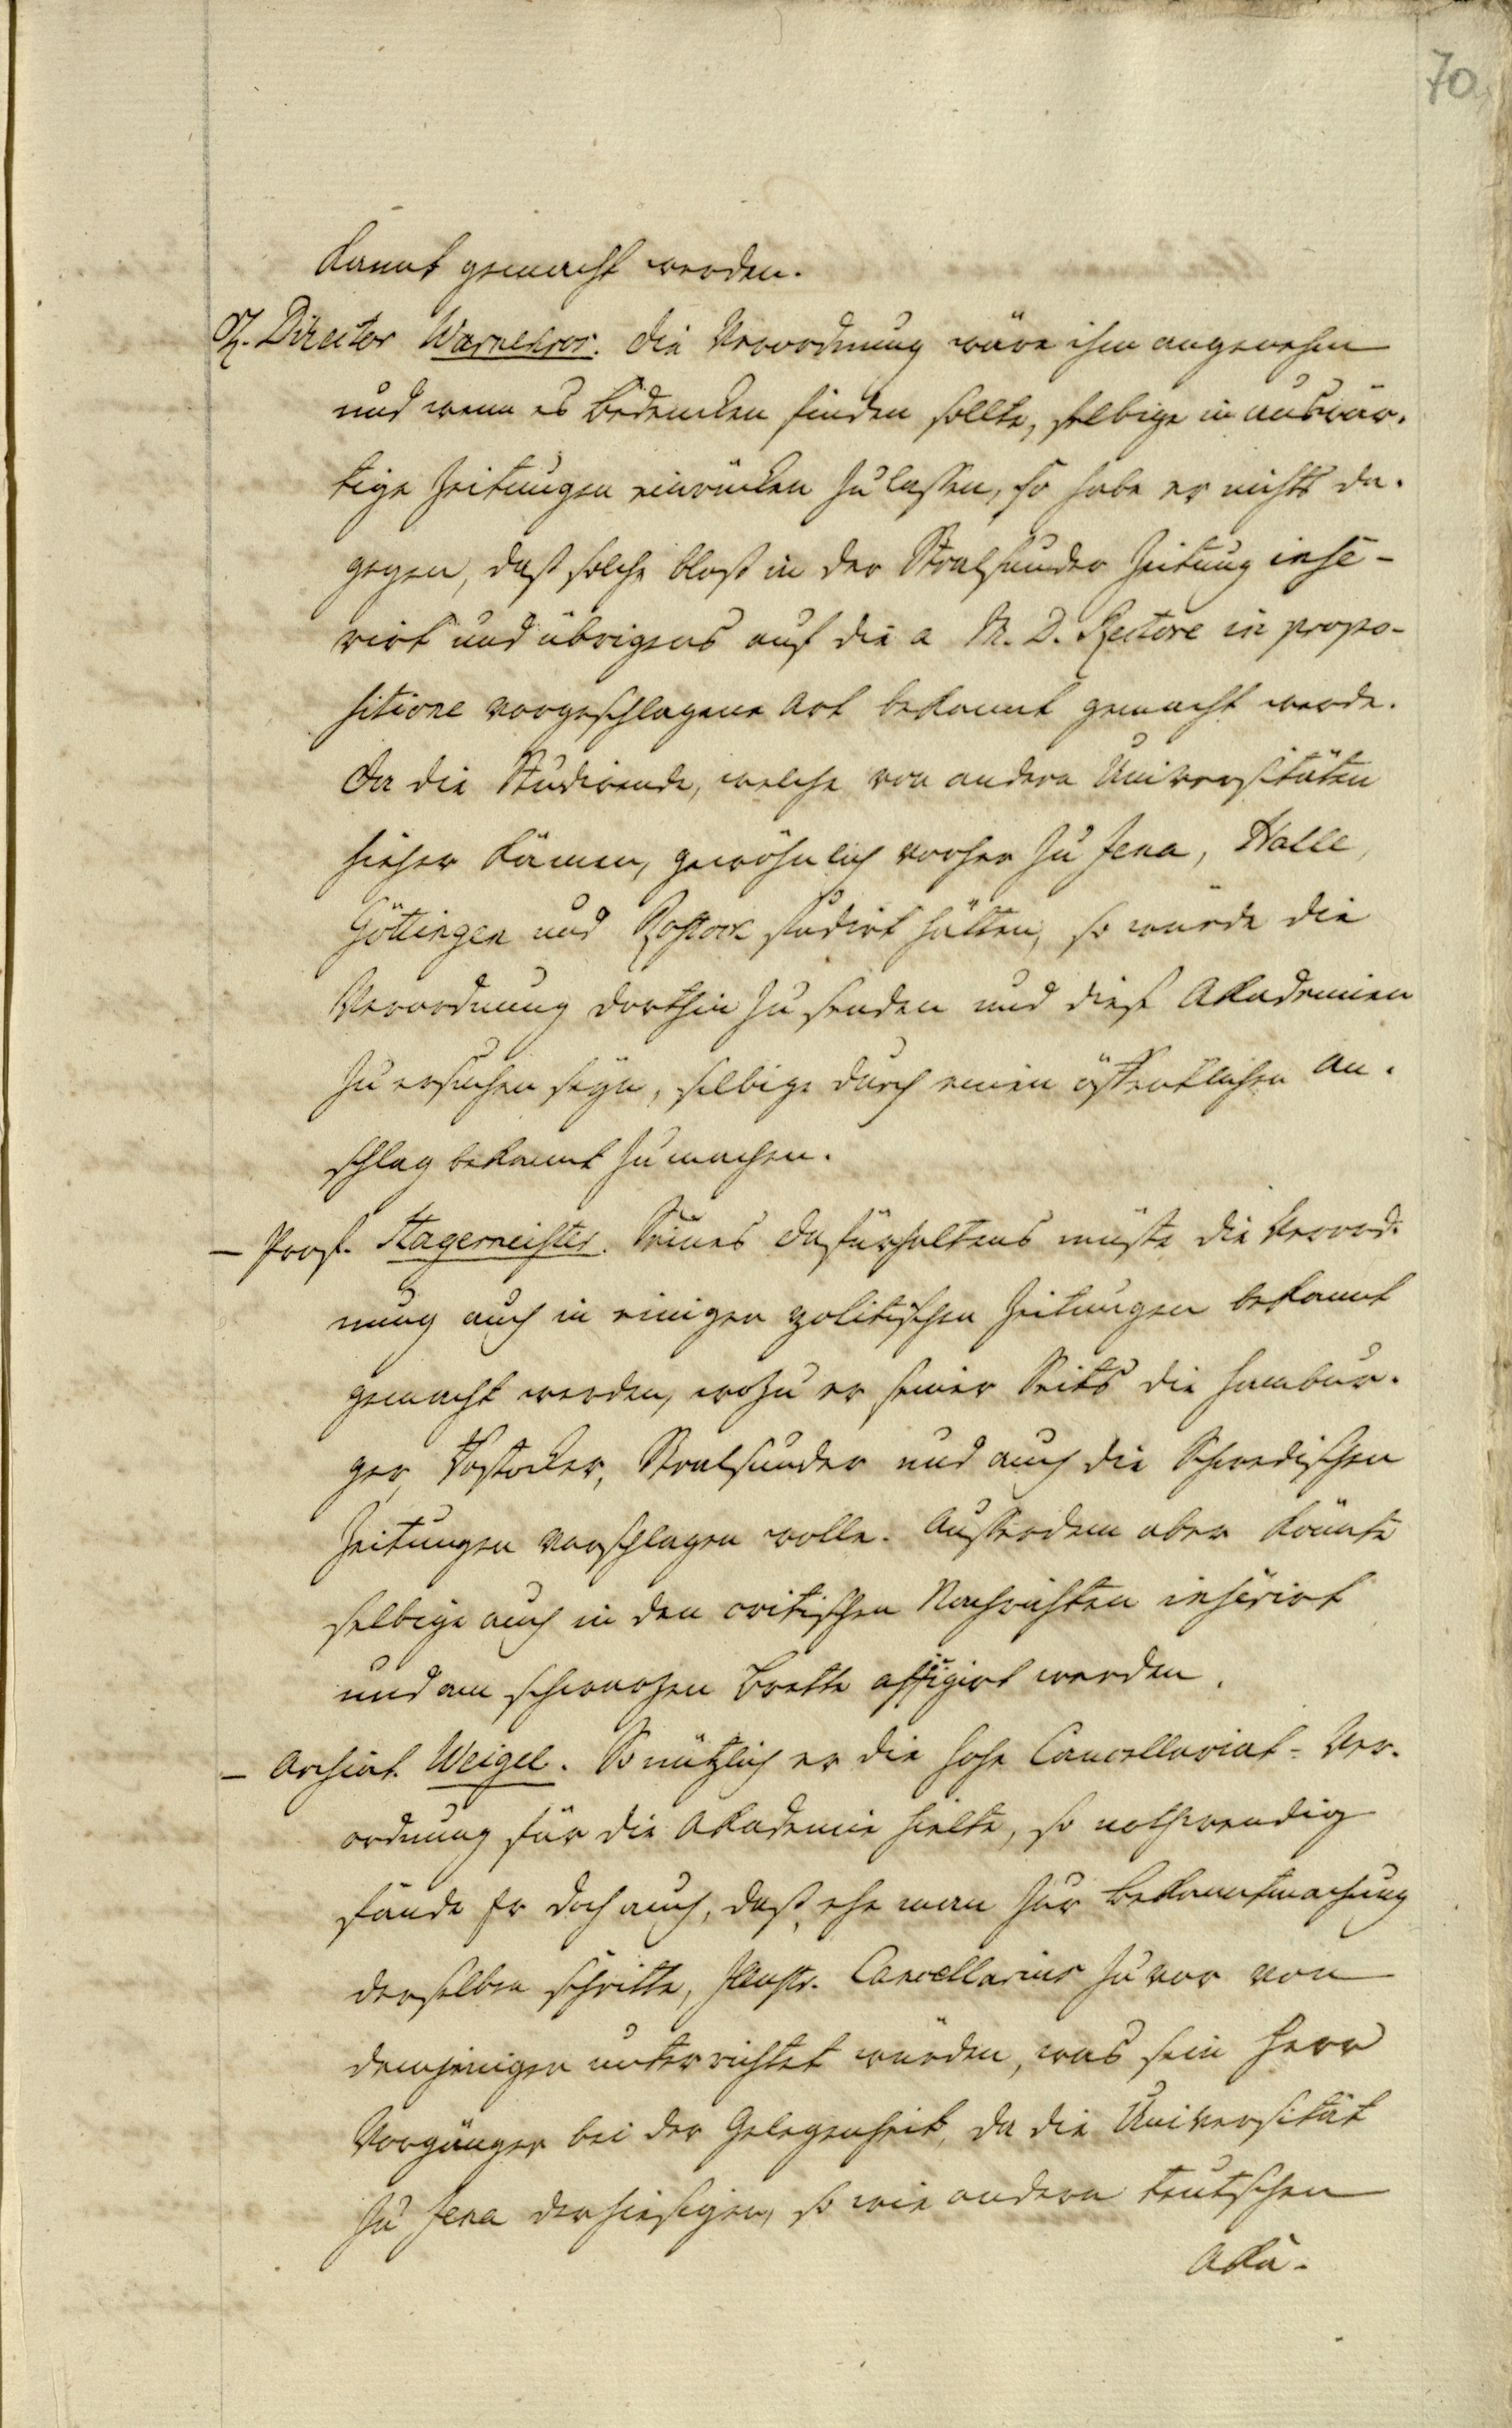kannt gemacht werden.
dh. Director Warnekros. Die Verordnung wäre ihm angenehm
und wenn es Bedencken finden sollte, selbige in auswär¬
tige Zeitungen einrücken zu lassen, so habe er nichts da¬
gegen, daß solche bloß in der Stralsunder Zeitungg inse¬
rirt und übrigens auf die a M. D. Rectore in propo¬
sitione vorgeschlagene Art bekannt gemacht werde.
Da die Studirende, welche von andern Universitäten
hieher kämen, gewöhnlich vorher zu Jena, Halle,
Göttingen und Rostock sudirt hätten, so würde die
Verordnung dorthin zu senden und diese Akademien
zu ersuchen seÿn, selbige durch einen öffentlichen An¬
schlag bekannt zu machen.
Prof. Hagemeister, Seines Dafürhaltens müßte die Verord¬
nung auch in einigen politischen Zeitungen bekannt
gemacht werden, wozu er seiner Seits die Hambur¬
ger, Rostocker, Stralsunder und auch die Schwedischen
Zeitungen vorschlagen wolle. Ausserdem aber könnte
selbige auch in den critischen Nachrichten inserirt
und am schwarzen Brette affigirt werden.
Archiat. Weigel. So nützlich er die hohe Cancellariat- Ver¬
ordnung für die Akademie hielte, so nothwendig
fände Er doch auch, daß ehe man zur Bekanntmachung
derselben schritte, Illustr. Cancellarius zu vor von
demjenigen unterrichtet würden, was sein Herr
Vorgänger bei der Gelegenheit, da die Universität
zu Jena der hiesigen, so wie andern teutschen
Aka¬